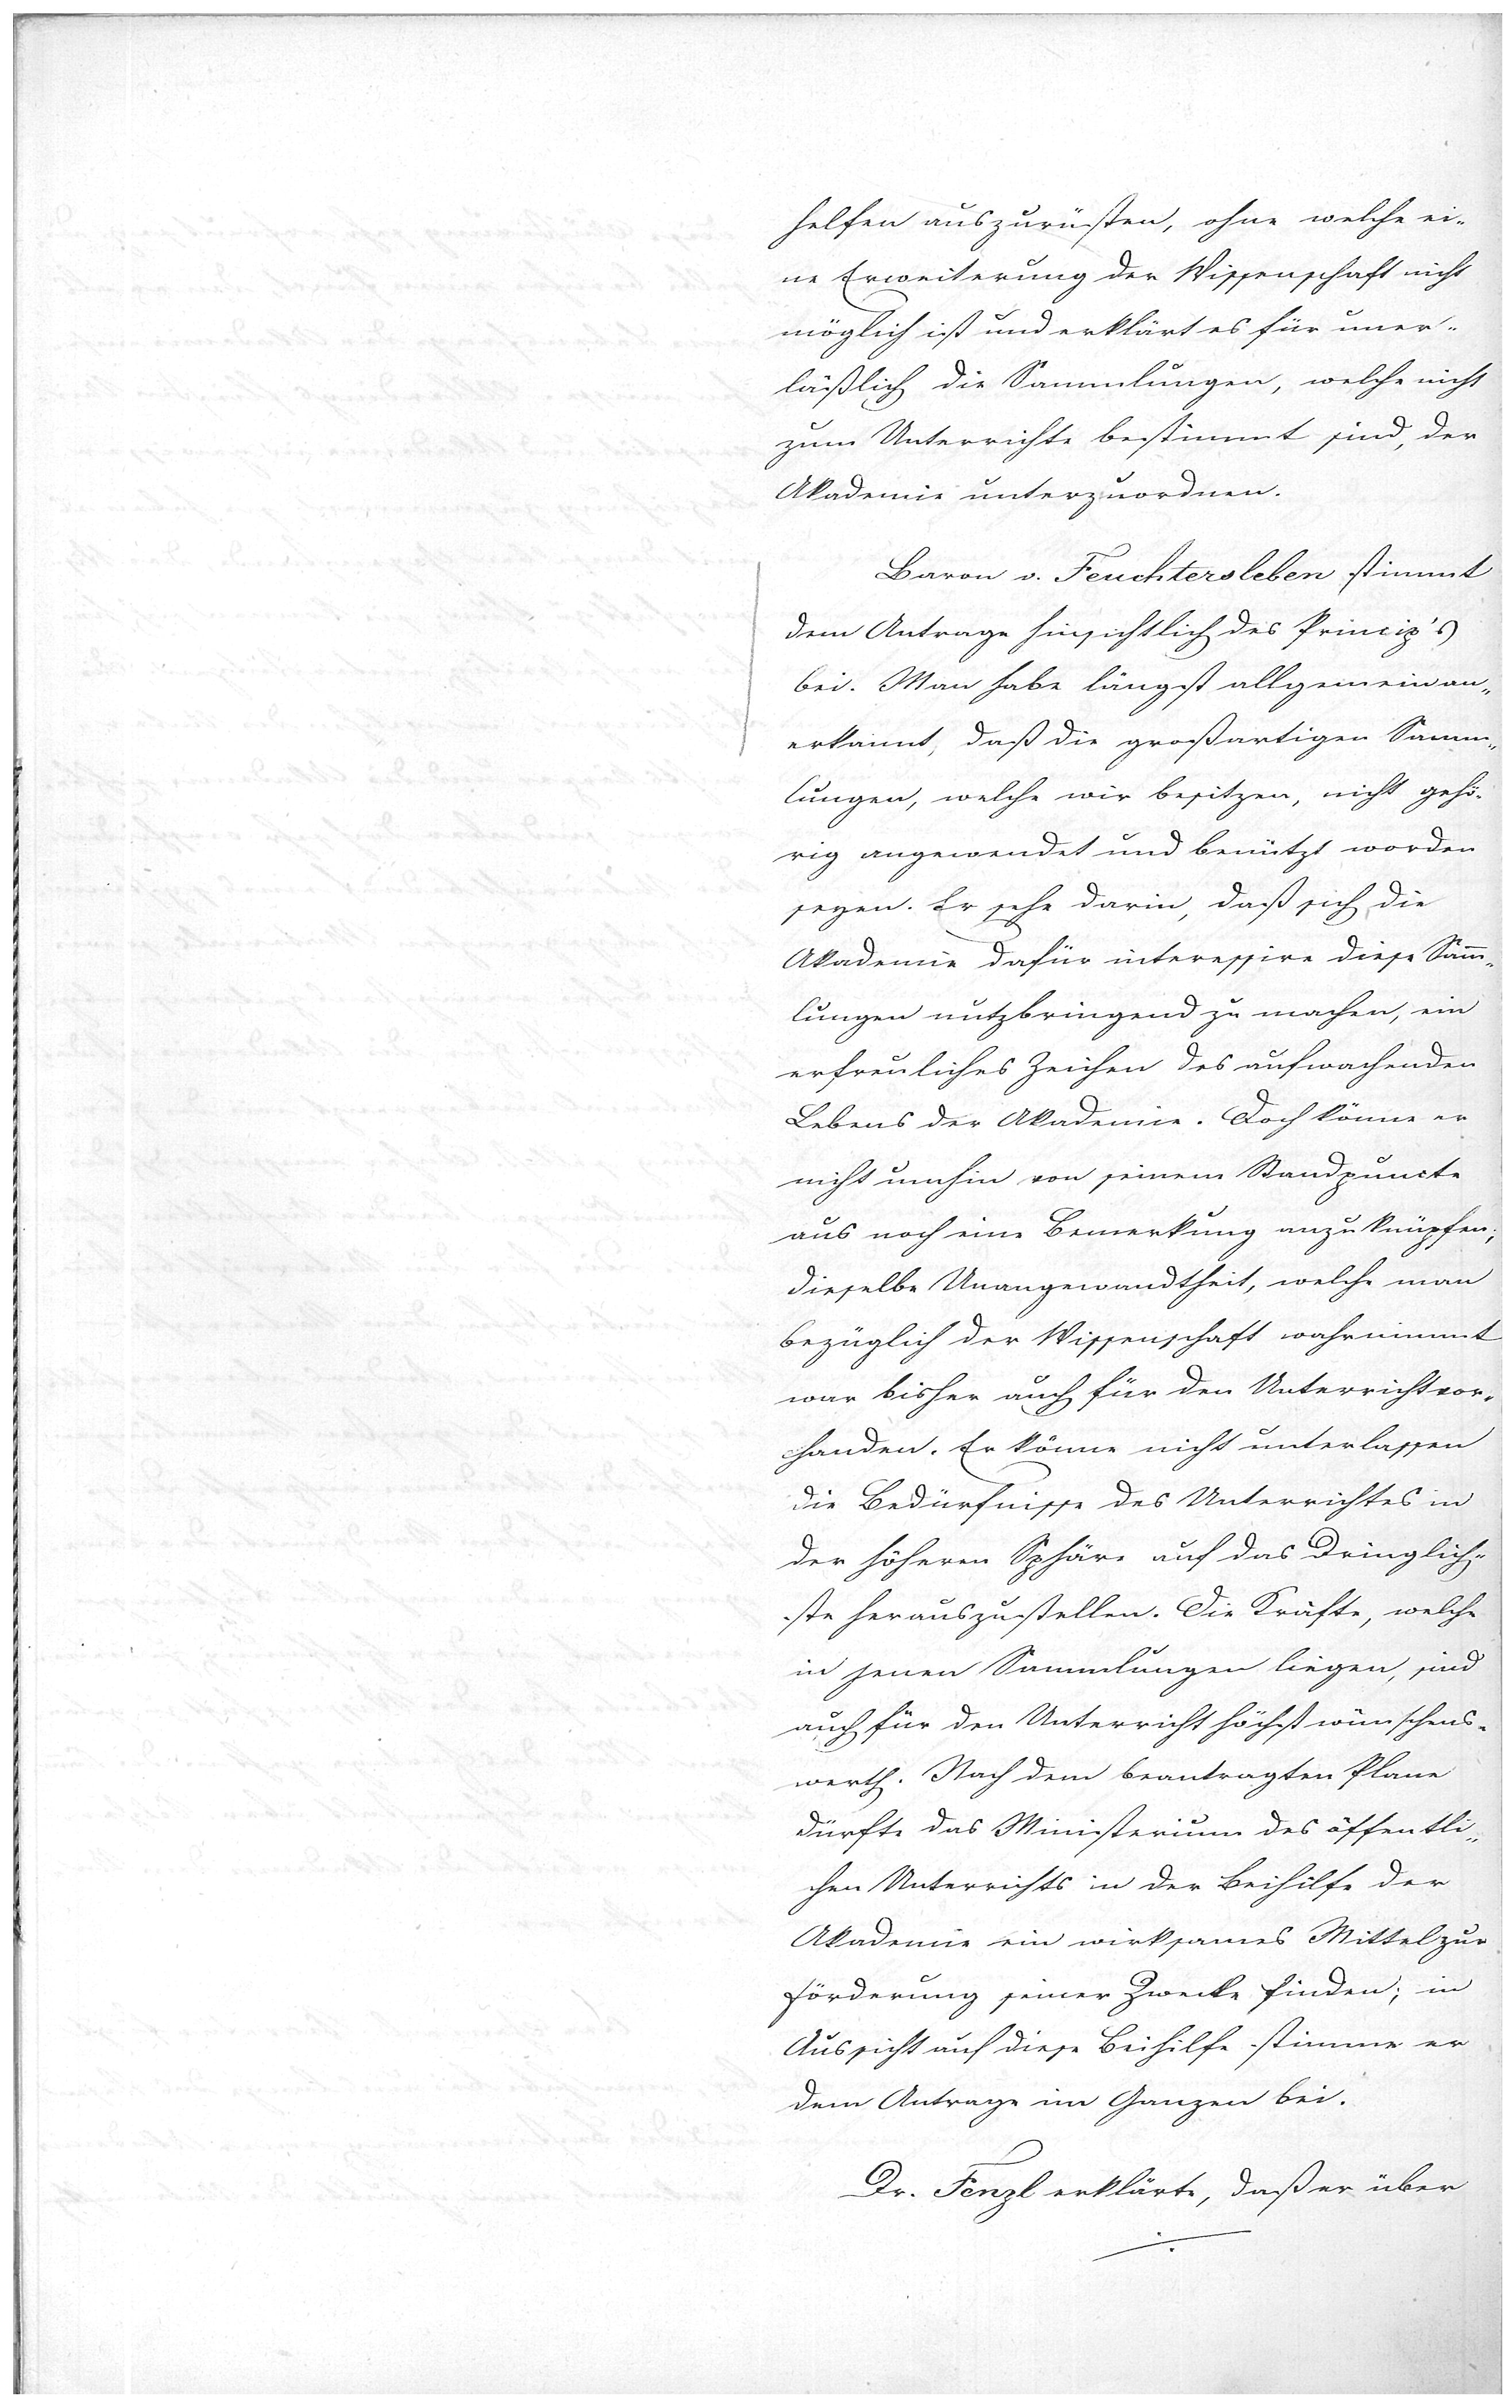helfen auszurüsten, ohne welche ei-
ne Erweiterung der Wissenschaft nicht
möglich ist und erklärt es für uner-
läßlich die Sammlungen, welche nicht
zum Unterrichte bestimmt sind, der
Akademie unterzuordnen.
Baron v. Feuchtersleben stimmt
dem Antrage hinsichtlich des Princip's
bei. Man habe längst allgemein an-
erkannt, daß die großartigen Samm-
lungen, welche wir besitzen, nicht gehö-
ein angewendet und benützt worden
seyen Er sehe darin, daß sich die
Akademie dafür interessire diese Samm-
lungen nutzbringend zu machen, ein
erfreuliches Zeichen des aufwachenden
Lebens der Akademie. Doch könne er
nicht umhin von seinem Standpuncte
aus noch einem Bemerkung anzuknüpfen,
dieselbe Unangewandtheit, welche man
bezüglich der Wissenschaft wahr nimmt
war bisher auch für den Unterricht vor-
handen. Er könne nicht unterlassen
die Bedürfnisse des Unterrichtes in
der höheren Sphäre auf das dringlich-
ste herauszustellen. Die Kräfte, welche
in jenen Sammlungen liegen, sind
auch für den Unterricht höchst wünschens-
werth. Nachdem beantragten Plane
dürfte des Ministerium des öffentli-
chen Unterrichts in der Beihilfe der
Akademie ein wirksames Mittel zur
Förderung seiner Zwecke finden; in
Aussicht auf diese Beihilfe stimme er
dem Antrage um Ganzen bei.
Dr. Fenzl erklärte, daß er über